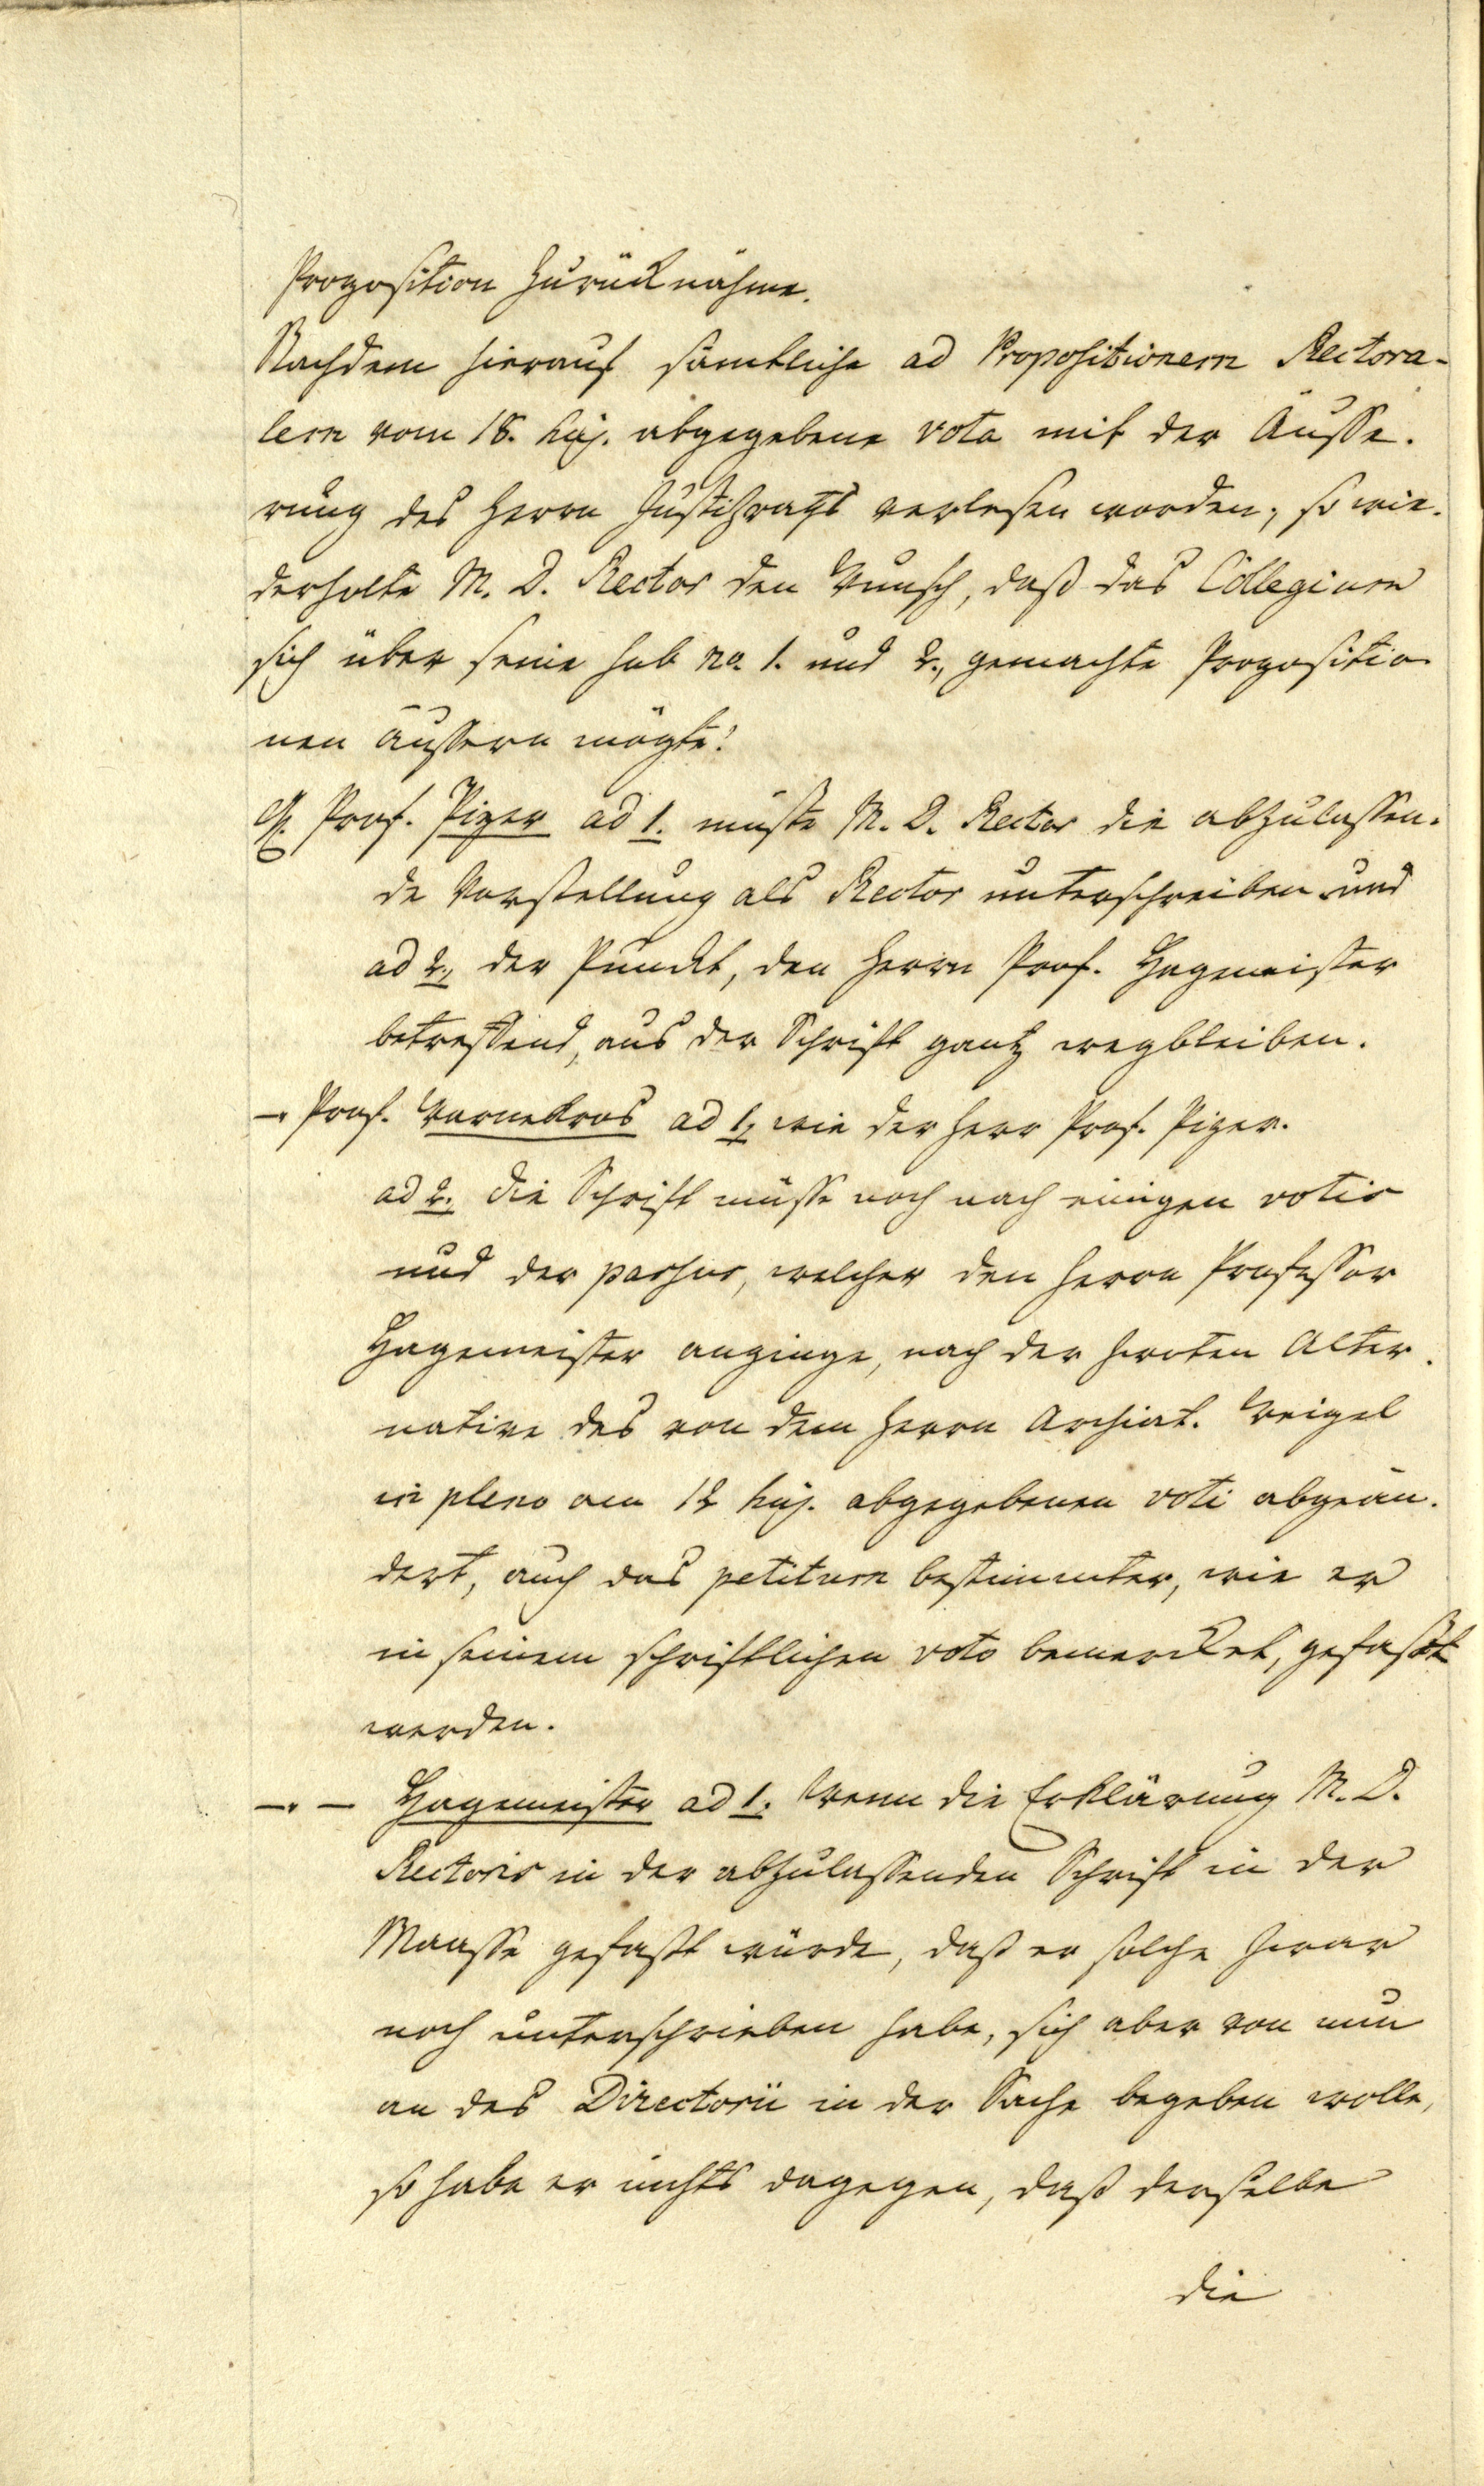Proposition zurücknähme.
Nachdem hierauf sämtliche ad Propositionem Rectora¬
lem vom 18. huj. abgegebene vota mit der Äusse¬
rung des Herrn Justiz¬raths verlesen worden, so wie
derholte M. D. Rector den Wunsch, daß das Collegium
sich über seine sub No. 1. und 2., gemachte Propositio¬
nen äussern mögte.
dh. Prof. Piper. ad 1. müßte M. D. Rector die abzulassen¬
de Vorstellung als Rector unterschreiben und
ad 2. der Punckt, den Herrn Prof. Hagemeister
betreffend, aus der Schrift gantz wegbleiben.
Prof. Warnekros ad 1. wie der Herr Prof. Piper.
ad 2., die Schrift müsse noch nach einigen votis
und der passus, welcher den Herrn Professor
Hagemeister anginge, nach der zwoten Alter¬
native des von dem Herrn Archiat. Weigel
in pleno am 12 huj. abgegebenen voti abgeän¬
dert, auch das petitum bestimmter, wie er
in seinem schriftlichen voto bemercket, gefasset
werden.
Hagemeister ad 1. Wenn die Erklärung M. D.
Rectoris in der abzulassenden Schrift in der
Maasse gefaßt würde, daß er solche zwar
noch unterschrieben habe, sich aber von nun
an des Directorii in der Sache begeben wolle,
so habe er nichts dagegen, daß derselbe
die